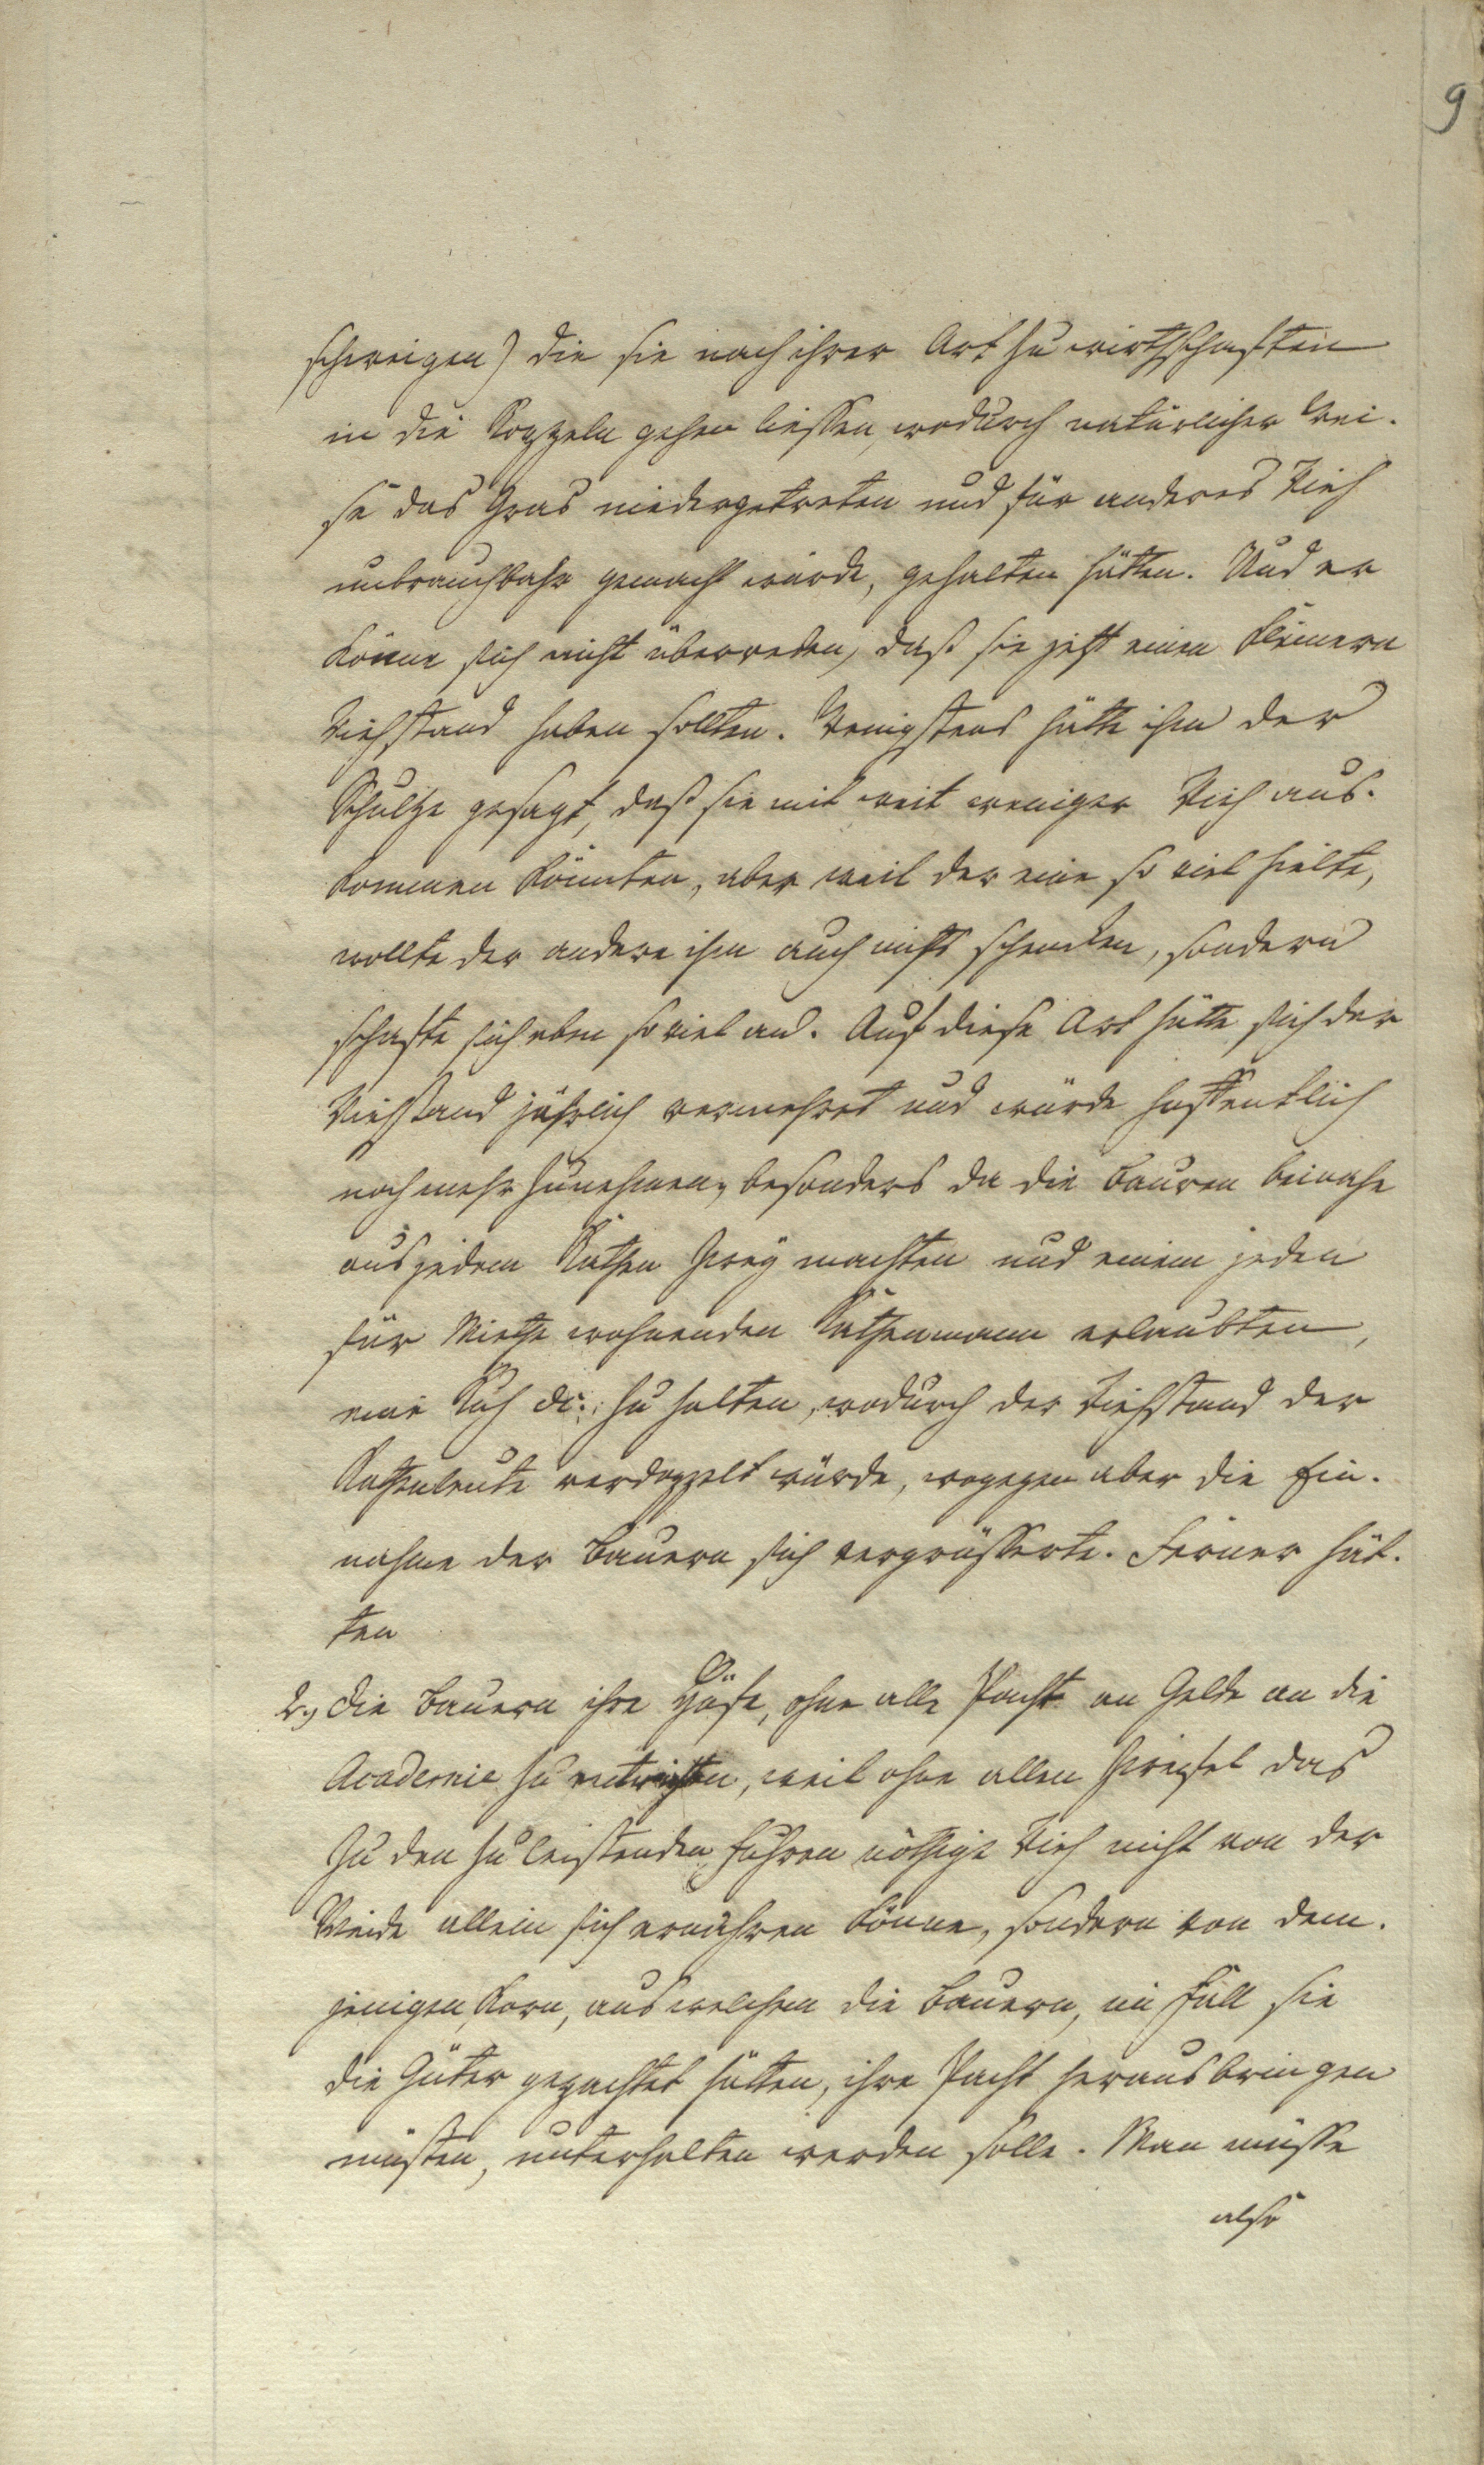schweigen) die sie nach ihrer Art zu wirthschaften
in die Koppeln gehen liessen, wodurch natürlicher Wei¬
se das Gras niedergetreten und für andres Vieh
unbrauchbahr gemacht würde, gehalten hätten. Und er
könne sich nicht überreden, daß sie jetzt einen kleinern
Viehstand haben sollten. Wenigstens hätte ihm der
Schulze gesagt, daß sie mit weit weniger Vieh aus-
kommen könnten, aber weil der eine so viel hielte,
wollte der andere ihm auch nichts schenken, sondern
schafte sich eben so viel an. Auf diese Art hätte sich der
Viehstand jährlich vermehret und würde hoffentlich
noch mehr zunehmen, besonders da die Bauren beinahe
aus jedem Kathen zwey machten und einem jeden
für Miethe wohnenden Kathenmann erlaubten
eine Kuh etc. zu halten, wodurch der Viehstand der
Kathenleute verdoppelt würde, wogegen aber die Ein¬
nahme der Bauern sich vergrösserte. Ferner hät¬
ten
2., die Bauern ihre Höfe, ohne alle Pacht an Gelde an die
Academie zu entrichten, weil ohne allen Zweifel das
zu den zu leistenden Fuhren nöthige Vieh nicht von der
Weide allein sich ernähren könne, sondern von dem¬
jenigen Korn, aus welchen die Bauern, im Fall sie
die Güter gepachtet hätten, ihre Pacht herausbringen
müßten, unterhalten werden solle. Man müsse
also